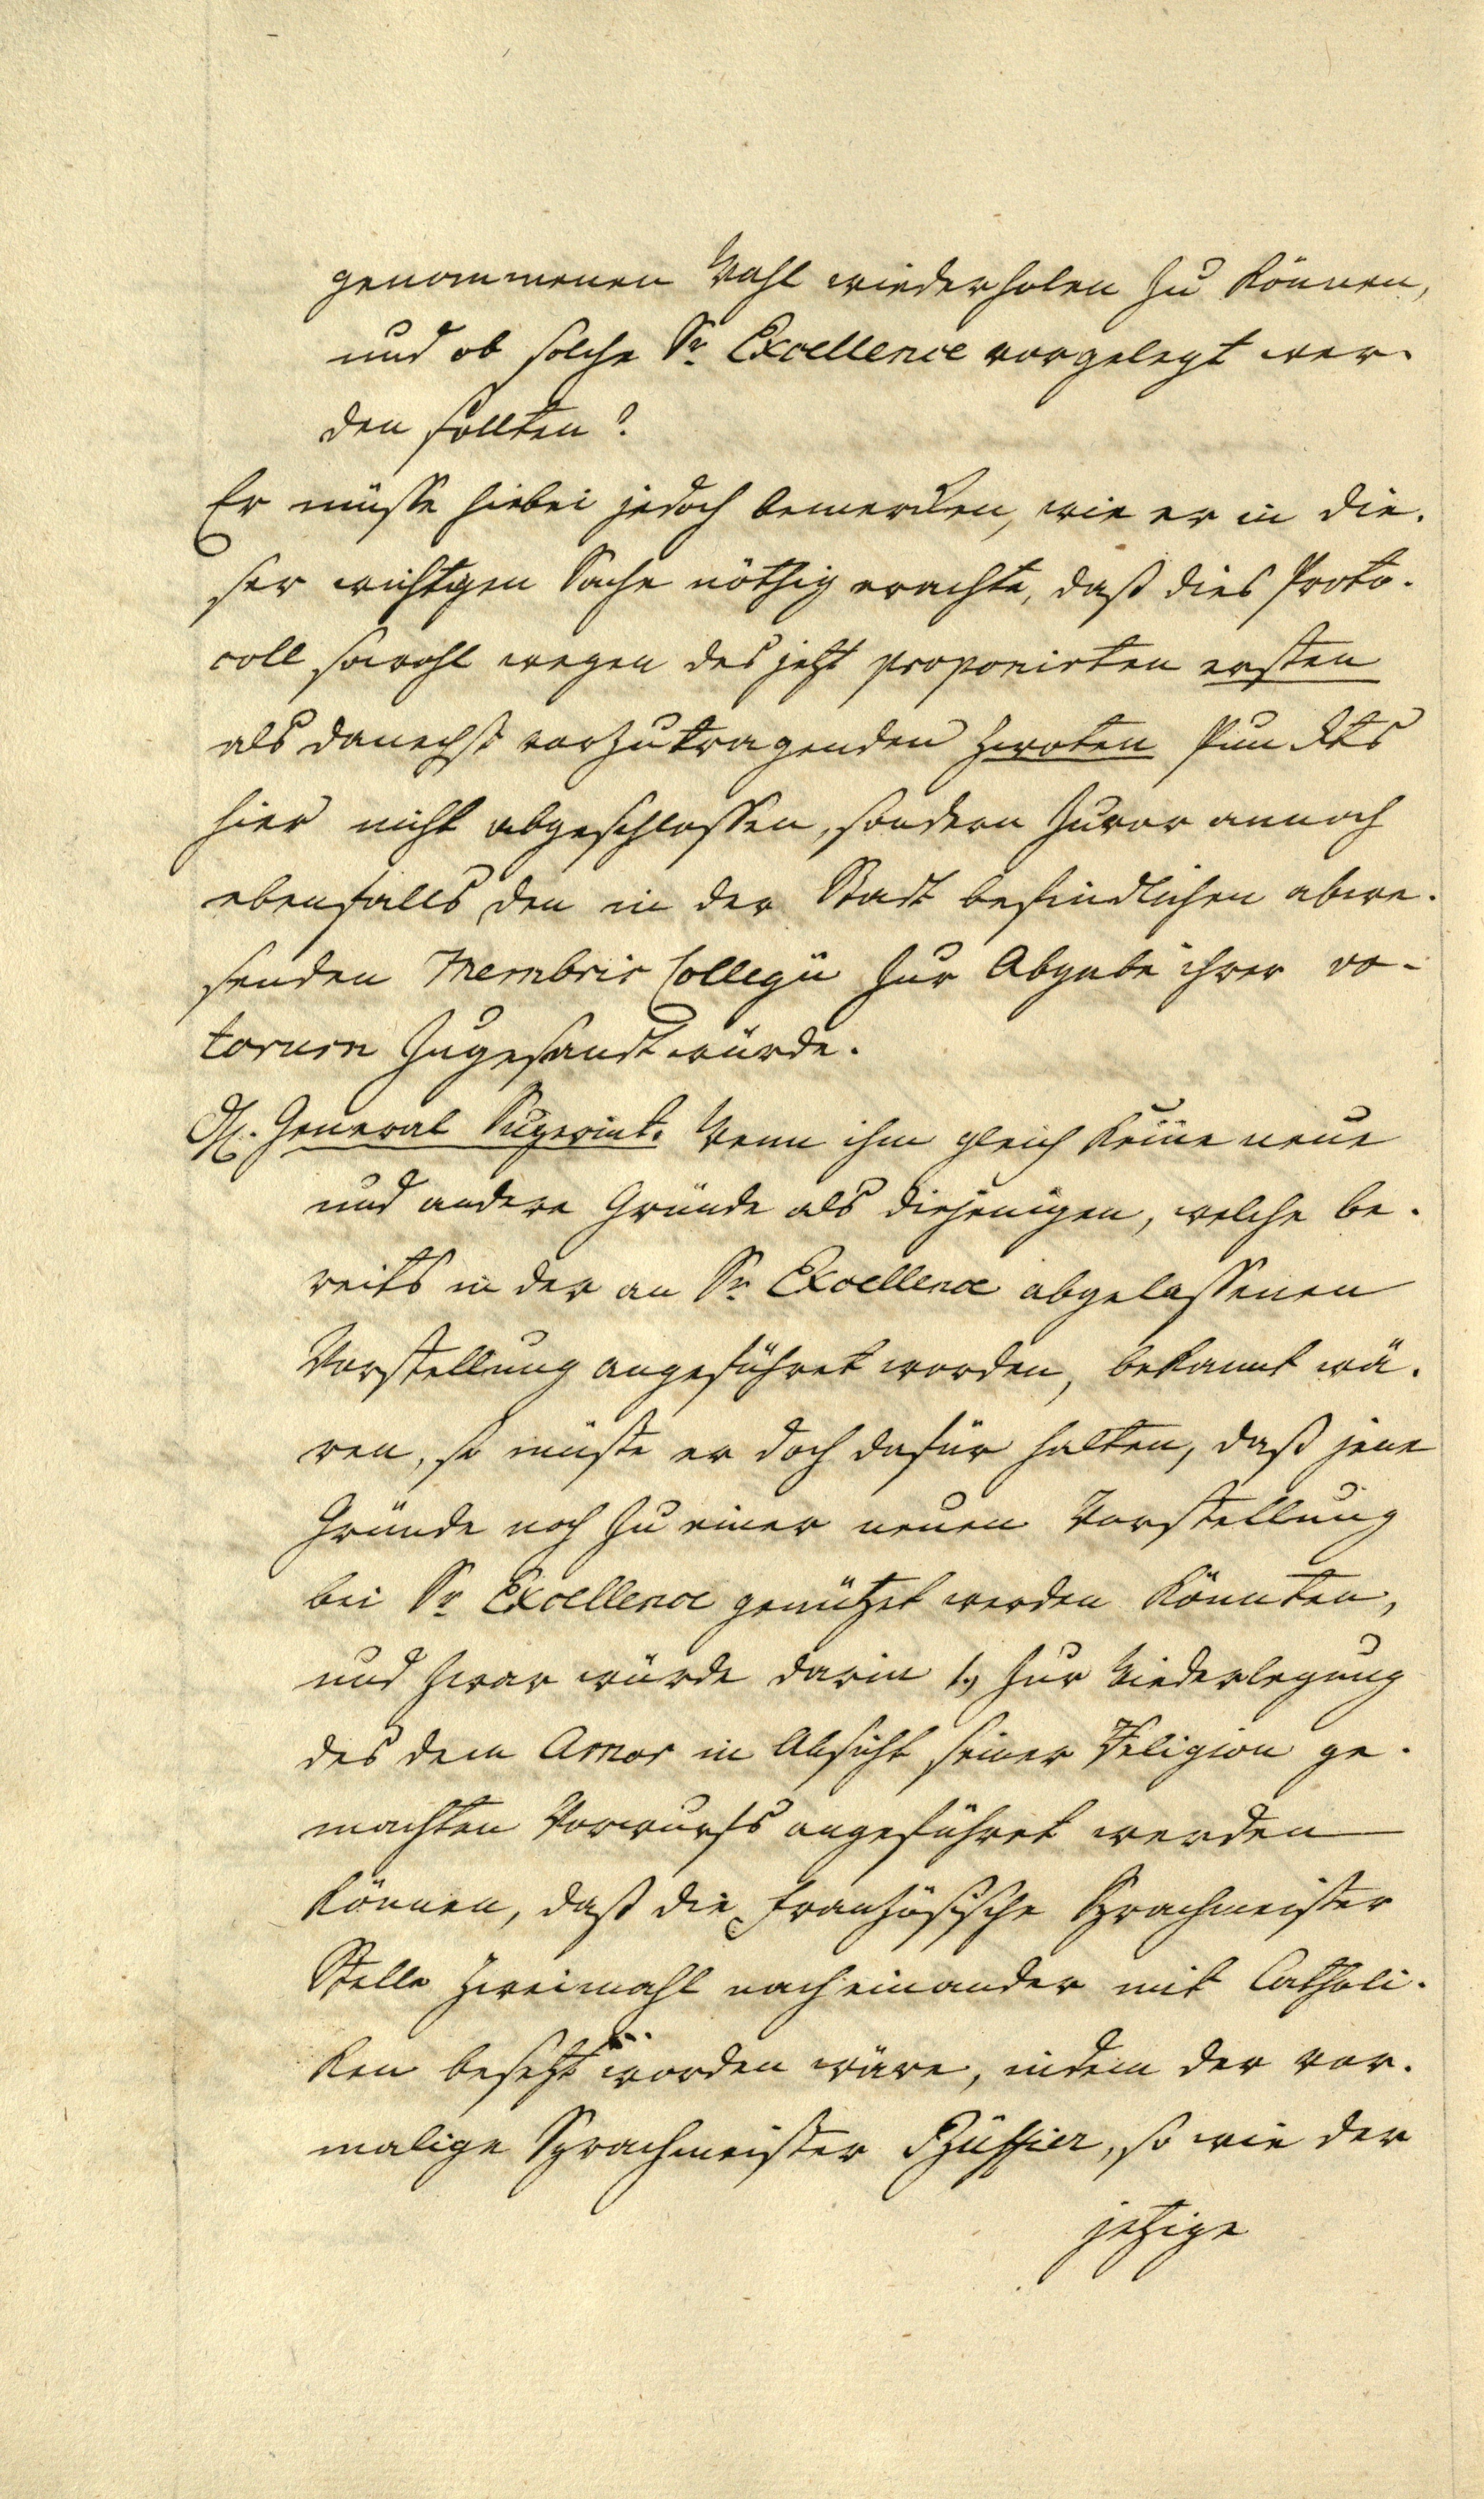genommenen Wahl wiederholen zu können,
und ob solche Sr Excellence vorgelegt wer¬
den sollten?
Er müsse hiebei jedoch bemercken, wie er in die¬
ser wichtgen Sache nöthig erachte, daß dies Proto¬
coll sowohl wegen des jetzt proponirten ersten
als danechst vorzutragenden zwoten Puncktes
hier nicht abgeschlossen, sondern zuvor annoch
ebenfalls den in der Stadt befindlichen abwe¬
senden Membris Collegii zur Abgabe ihrer vo-
torum zugesandt würde.
dh. General Superint. Wenn ihm gleich keine neune
und andere Gründe als diejenigen, welche be¬
reits in der an Sr Excellence abgelassenen
Vorstellung angeführet worden, bekannt wä¬
ren, so müßte er doch dafür halten, daß jene
Gründe noch zu einer neuen Vorstellung
bei Sr Excellence genützet werden könnten,
und zwar würde darin 1., zur Wiederlegung
des dem Amor in Absicht seiner Religion ge¬
machten Vorwurfs angeführet werden
können, daß die Französische Sprachmeister
Stelle Zweimahl nach einander mit Catholi¬
ken besetzt worden wäre, indem der vor
malige Sprachmeister Büffier, so wie der
jetzige